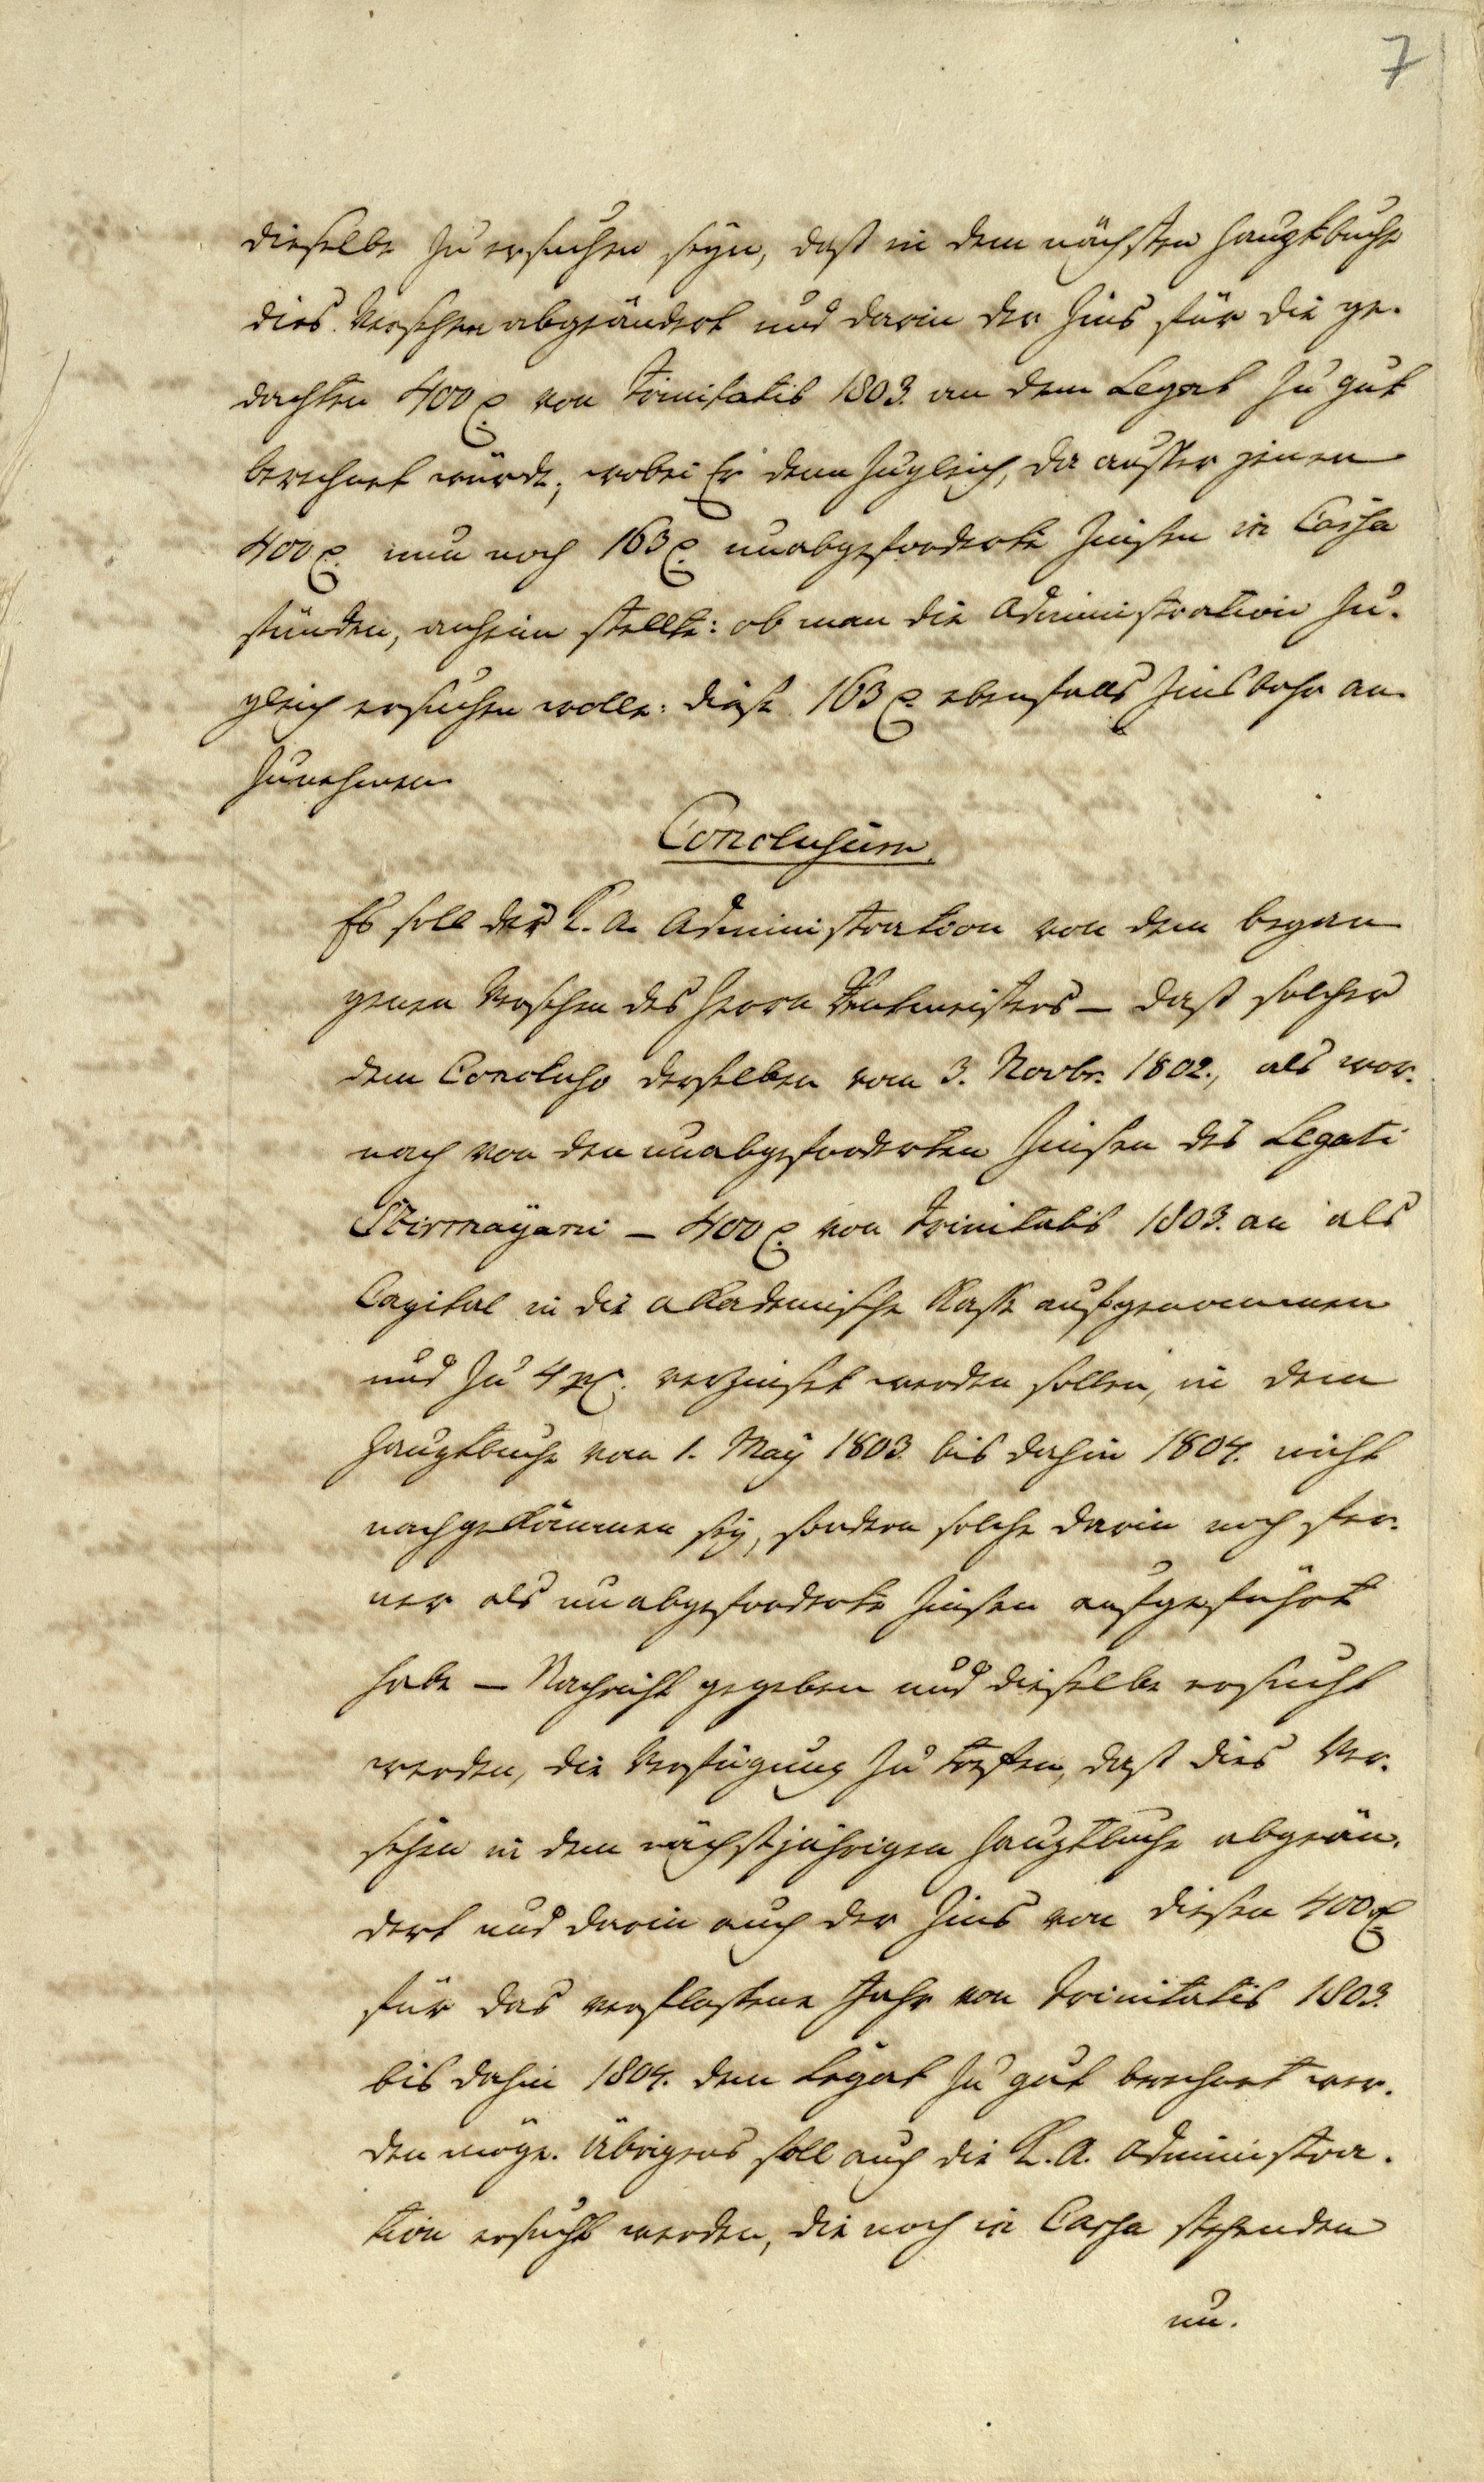dieselbe zu ersuchen seÿn, daß in dem nächsten Hauptbuche
dies Versehen abgeändert und darin der Zins für die ge¬
dachten 400 l. von Trinitatis 1803. an dem Legat zu gut
berechnet würde, wobei Er denn zugleich, da ausser jenen
400 l. nun noch 163 l. unabgefordert Zinsen in Cassa
stünden, anheim stellte: ob man die Administration zu¬
gleich ersuchen wolle, diese 163 l. ebenfalls zinsbahr an¬
zunehmen.
Conclusum.
Es soll der K. A. Administration von dem began¬
genen Versehen des Herrn Rentmeisters - daß solcher
dem Concluso derselben vom 3. Novbr. 1802., als wor¬
nach von den unabgeforderten Zinsen des Legati
Szirmayani - 400 l. von Trinitatis 1803. an als
Capital in die akademische Kasse aufgenommen
und zu 4 pl. verzinset werden sollen, in dem
Hauptbuche vom 1. Maÿ 1803 bis dahin 1804. nicht
nachgekommen seÿ, sondern solche darin noch fer¬
ner als unabgeforderte Zinsen aufgeführt
habe - Nachricht gegeben und dieselbe ersucht
werden, die Verfügung zu trefen, daß dies Ver¬
sehen in dem nächstjährigen Hauptbuche abgeän¬
dert und darin auch der Zins von diesen 400 l.
für das verflossene Jahr von Trinitatis 1803
bis dahin 1804. dem Legat zu gut berechnet wer¬
den möge. Übrigens soll auch die K. A. Administra¬
tion ersucht werden, die noch in Cassa stehenden
un